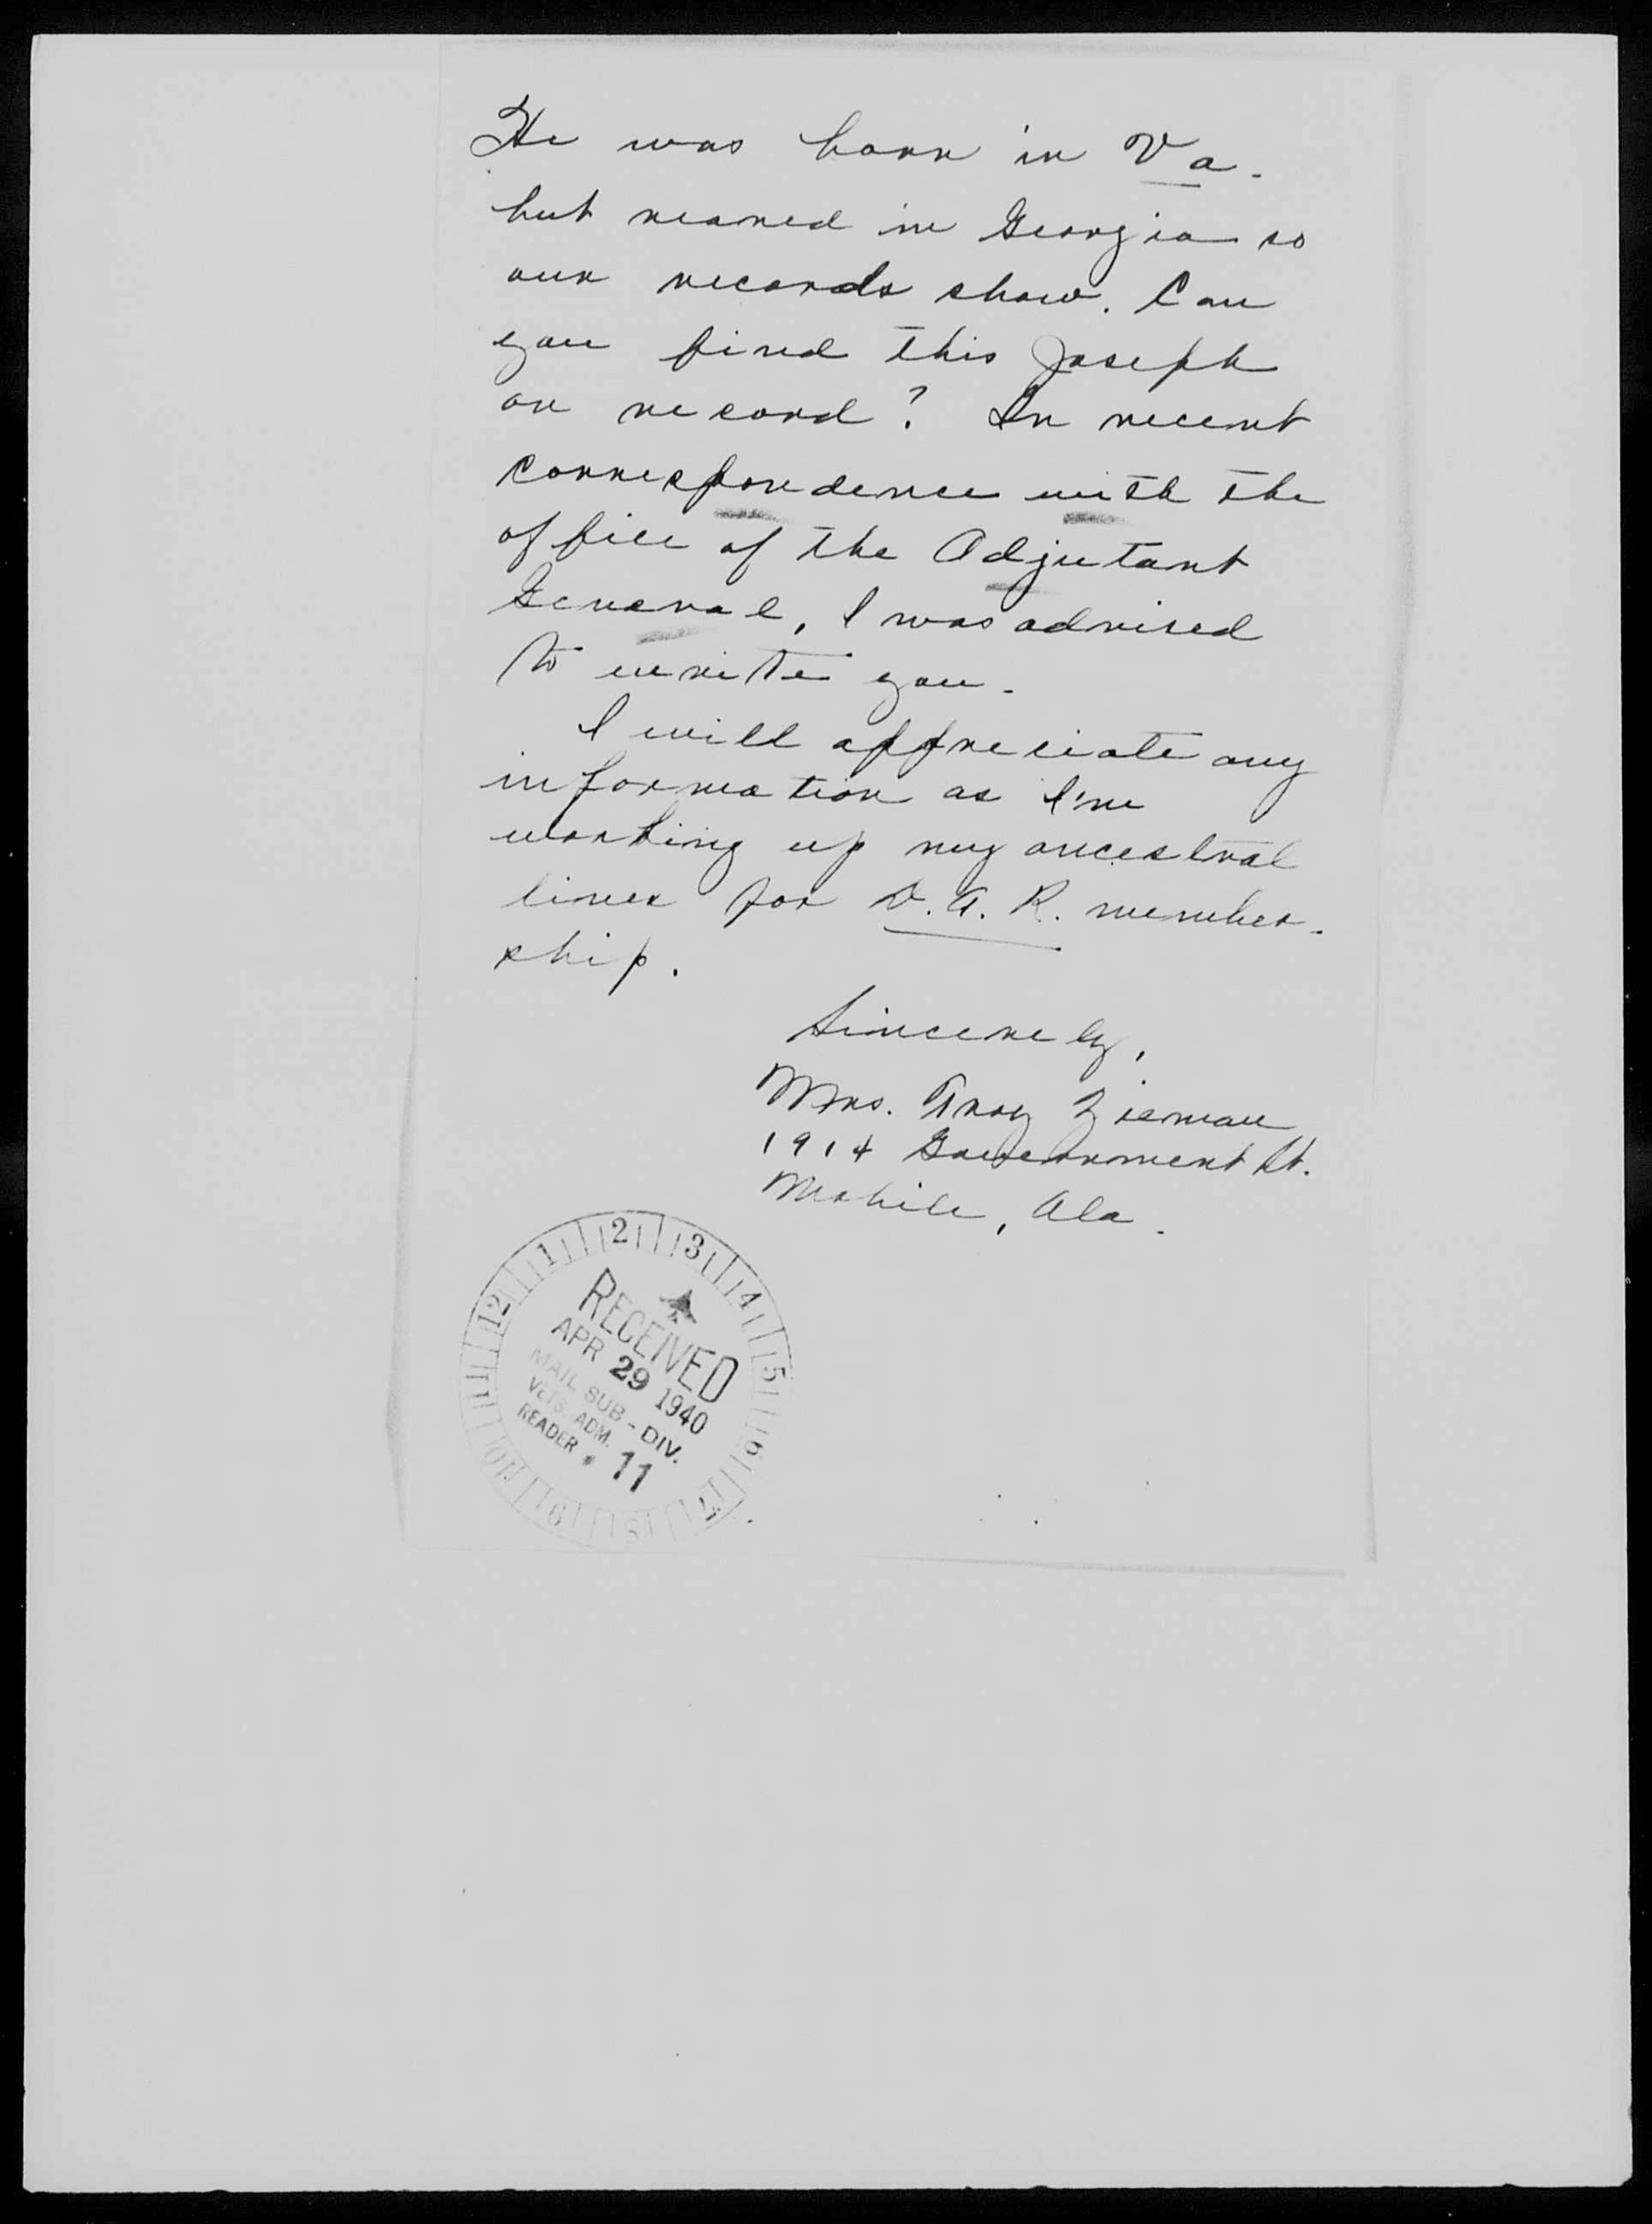He was born in Va. but remained in Georgia so our records show. Can you find this Joseph on record? In recent correspondence with the office of the Adjutant General, I was advised to write to you,
I will appreciate any information as I'm wanting up my ancestral line for D. AQ. R. membership.

Sincerely,
Mrs. Troy Zieman
1914 Government St.
Mobile, Ala.


stamped RECIEVED APR 29 1940
MAIL SUB-DIV.
VETS. ADM.
READER# 11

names: Fraz Zieman, Joseph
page: 13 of 20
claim: survivor's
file: S. 40,021, Joseph Bonner, Penn.